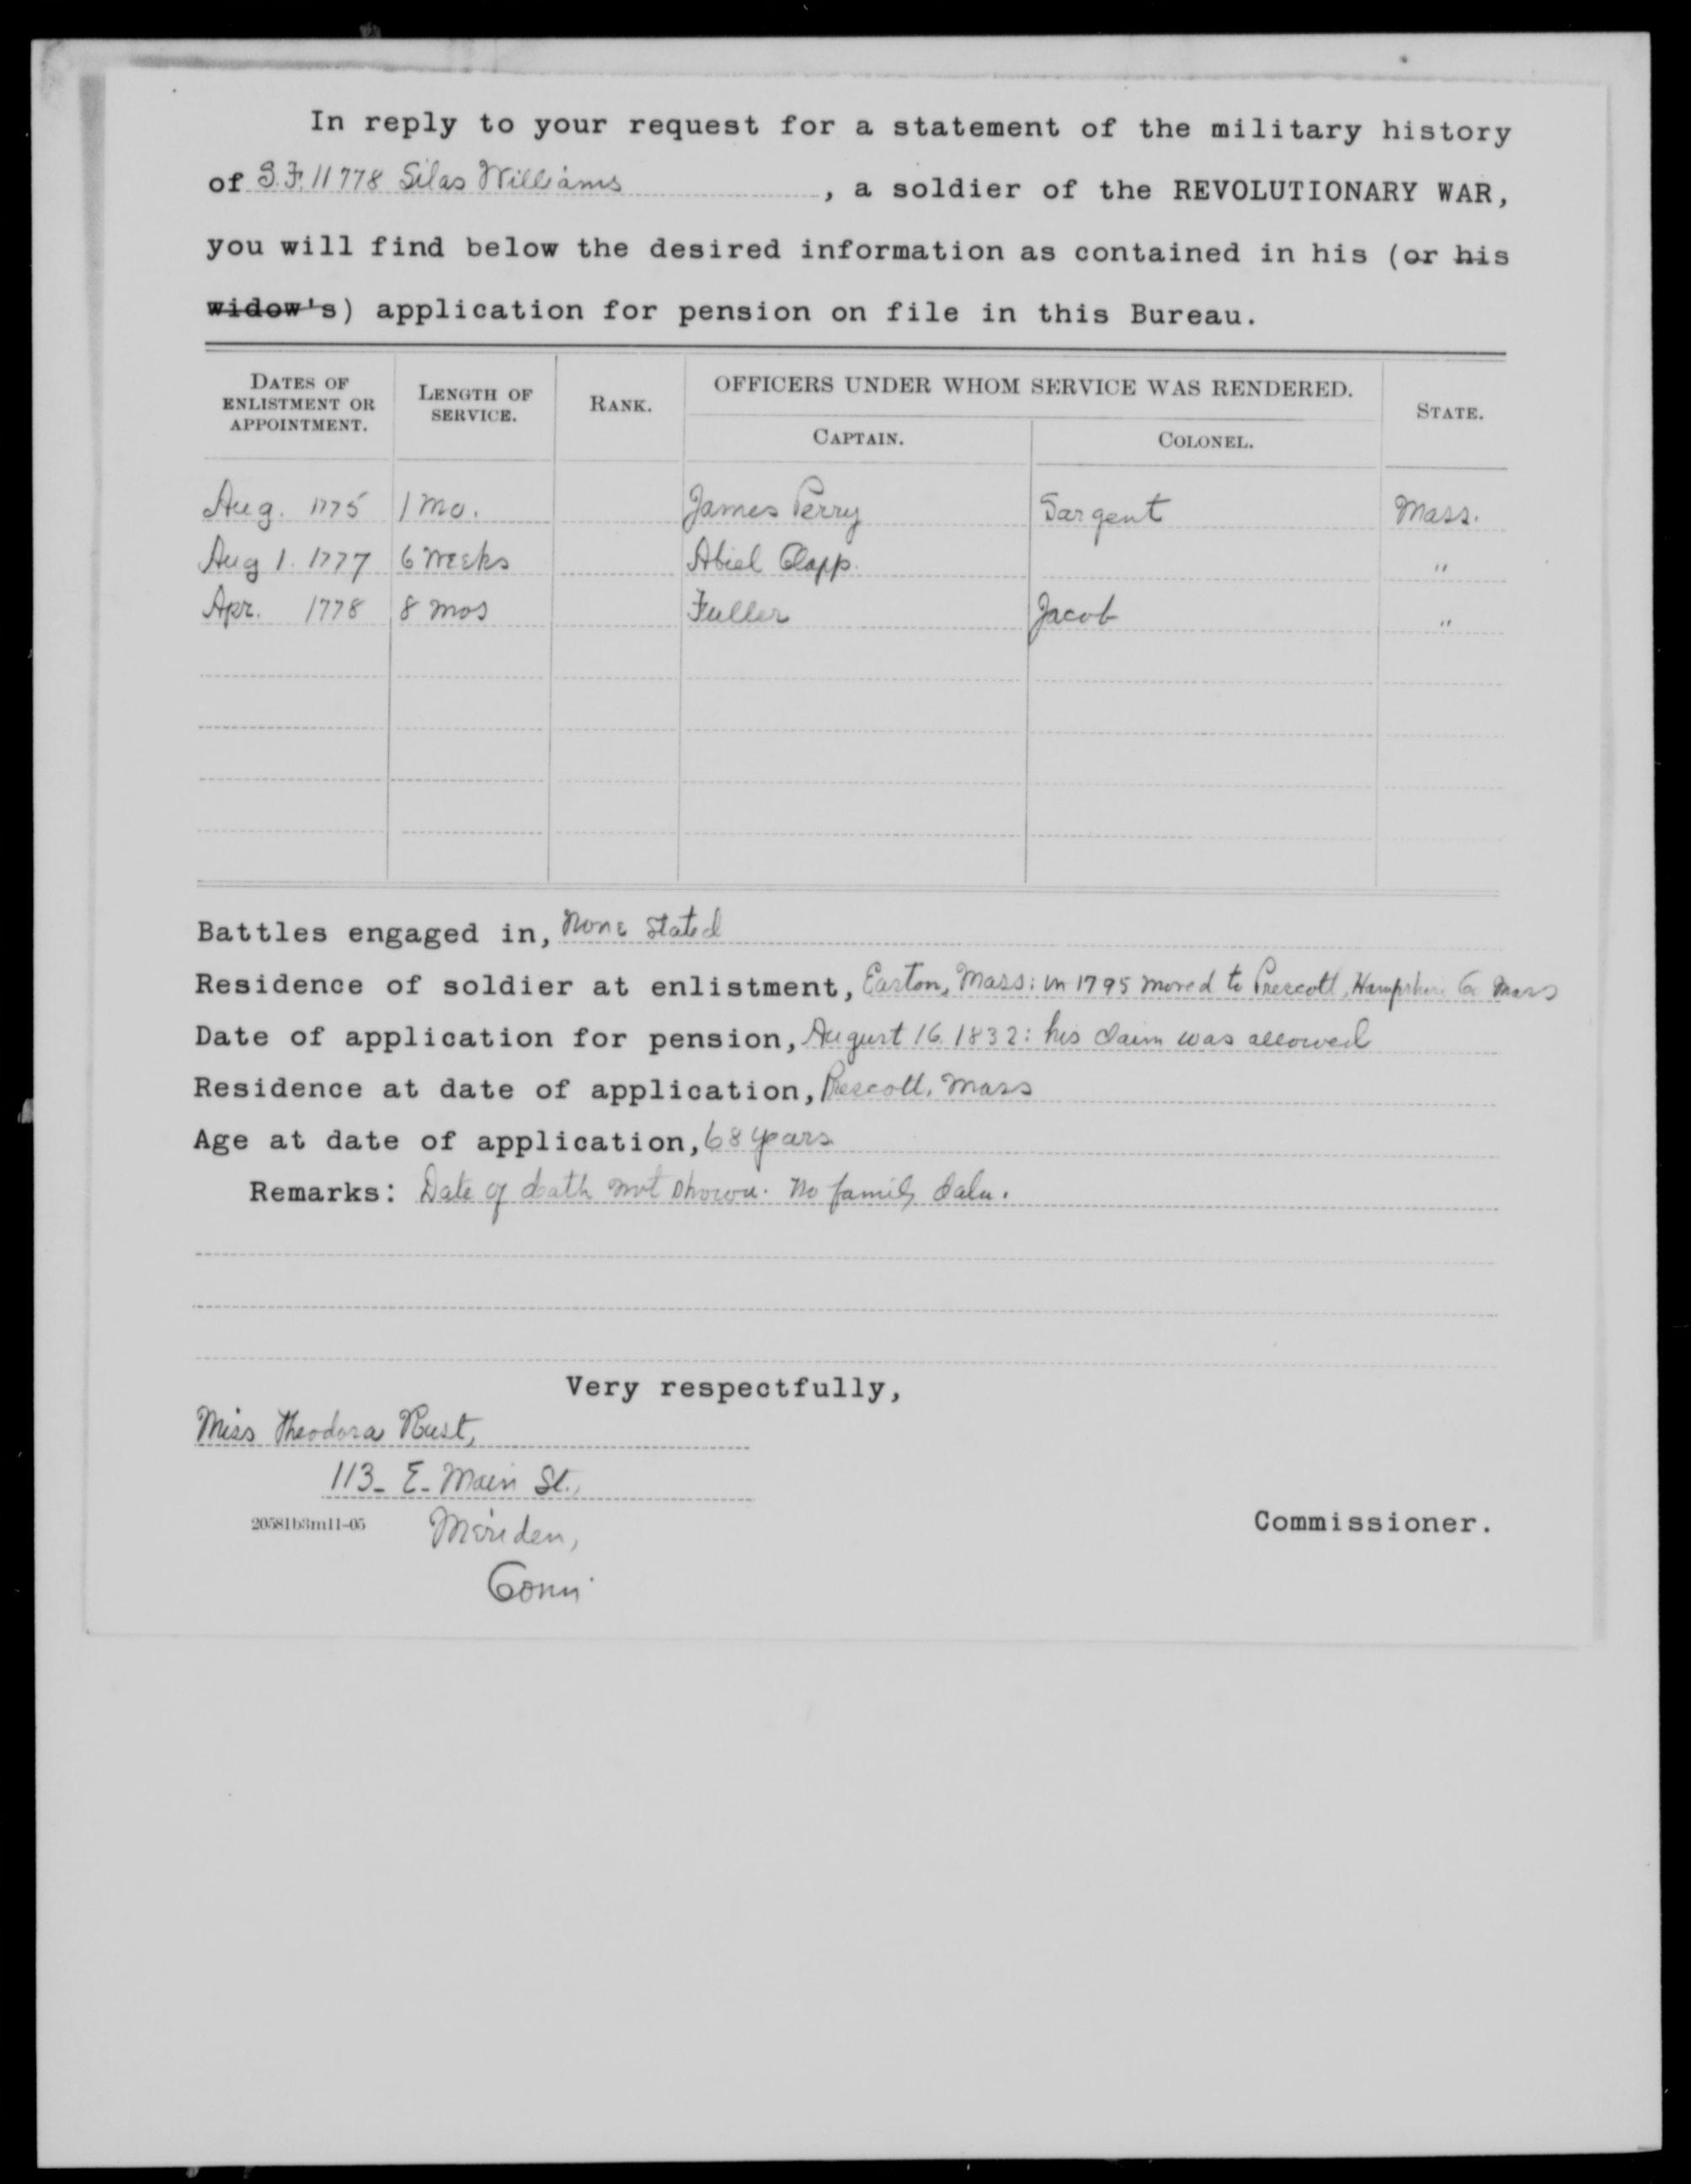In reply to your request for a statement of the military history of SF 11778 Silas Williams, a soldier of the REVOLUTIONARY WAR, you will find below the desired information as contained in his ([crossed out or his widow's]) application for pension on file in this Burear.
DATES OF ENLISTMENT OR APPOINTMENT
Aug 1775
Aug 1 1777
Apr 1778

LENGTH OF SERVICE
1 mo
6 weeks
8 mos

RANK

OFFICERS UNDER WHOM SERVICE WAS RENDERED
CAPTAIN
James Perry
Abile Clapp
Fuller

COLONEL
Sargent
Jacob

STATE 
Mass
Mass
Mass

Battles engaged in None stated
Residence of soldier at enlistment, Easton, Mass in 1795 moved to Prescott, Hampshire Co Mass
Date of application for pension, August 16 1832: his claim was allowed
Residence at date of application, Prescott, Mass
Age at date of application 68 years
Remarks: Date of death not shown no family date

Very respectfully,

Miss Theodora Rust
113 E Main St
Meridian, Conn
25811b3m11-05
Commissioner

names: Abiel Clapp, Fuller, Sargent, Jacob, Theodora Rust, James Perry, Silas Williams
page: 9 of 20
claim: survivor's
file: S. 11778, Silas Williams, Mass.